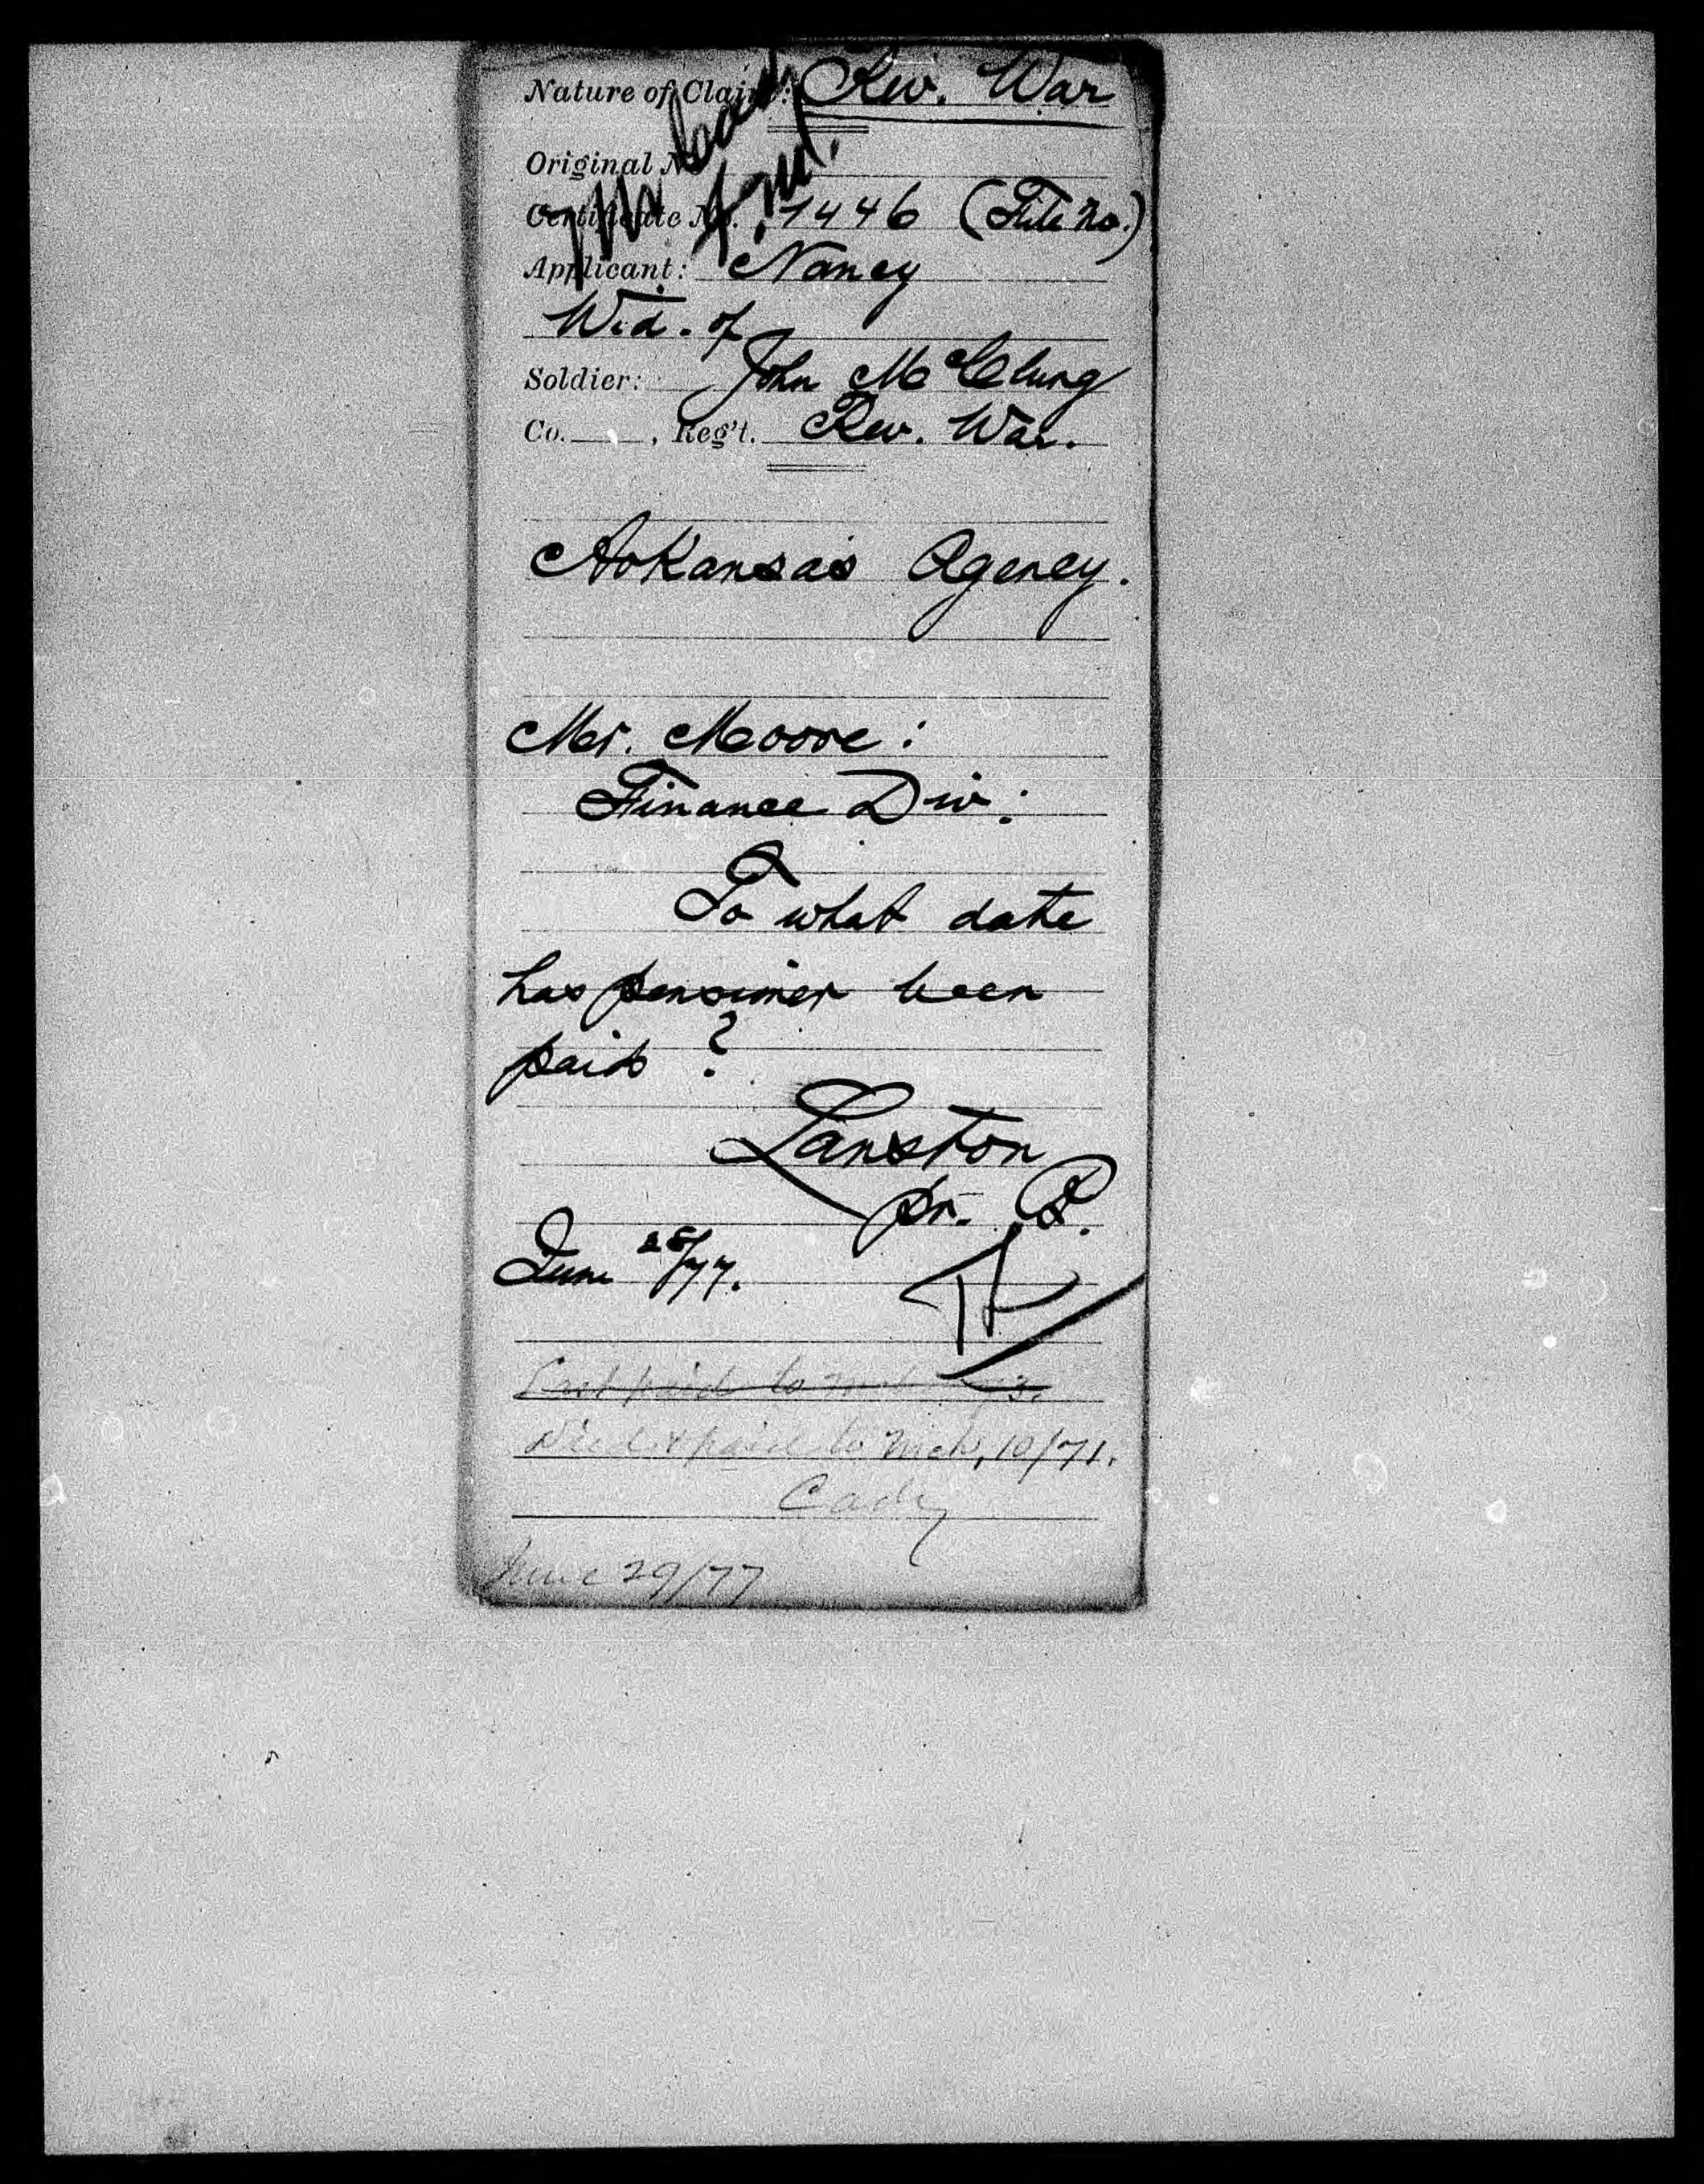Nature of Claim: Rev. War.
                           ====
Original No
Certificate  No. 1446 (File No.)
Applicant; Nancy
Wid of
Soldier: John McClung
C.o.__,  Reg't. Rev. War.
                   =====
Arkansas Agency.

Mr. Moore:
Finance Div:

To what date
has pensioner been
paid?
Lanston
pr R.

June 28/77
TL
___
Died & paid to Mch, 10/74,
Cady

June 29/77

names: [BLANK] Moore; [BLANK] Lanston; Nancy [BLANK]; John Mc Clurg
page: 60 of 115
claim: widow's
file: W. 1446, for John Mc Clung, South Carolina